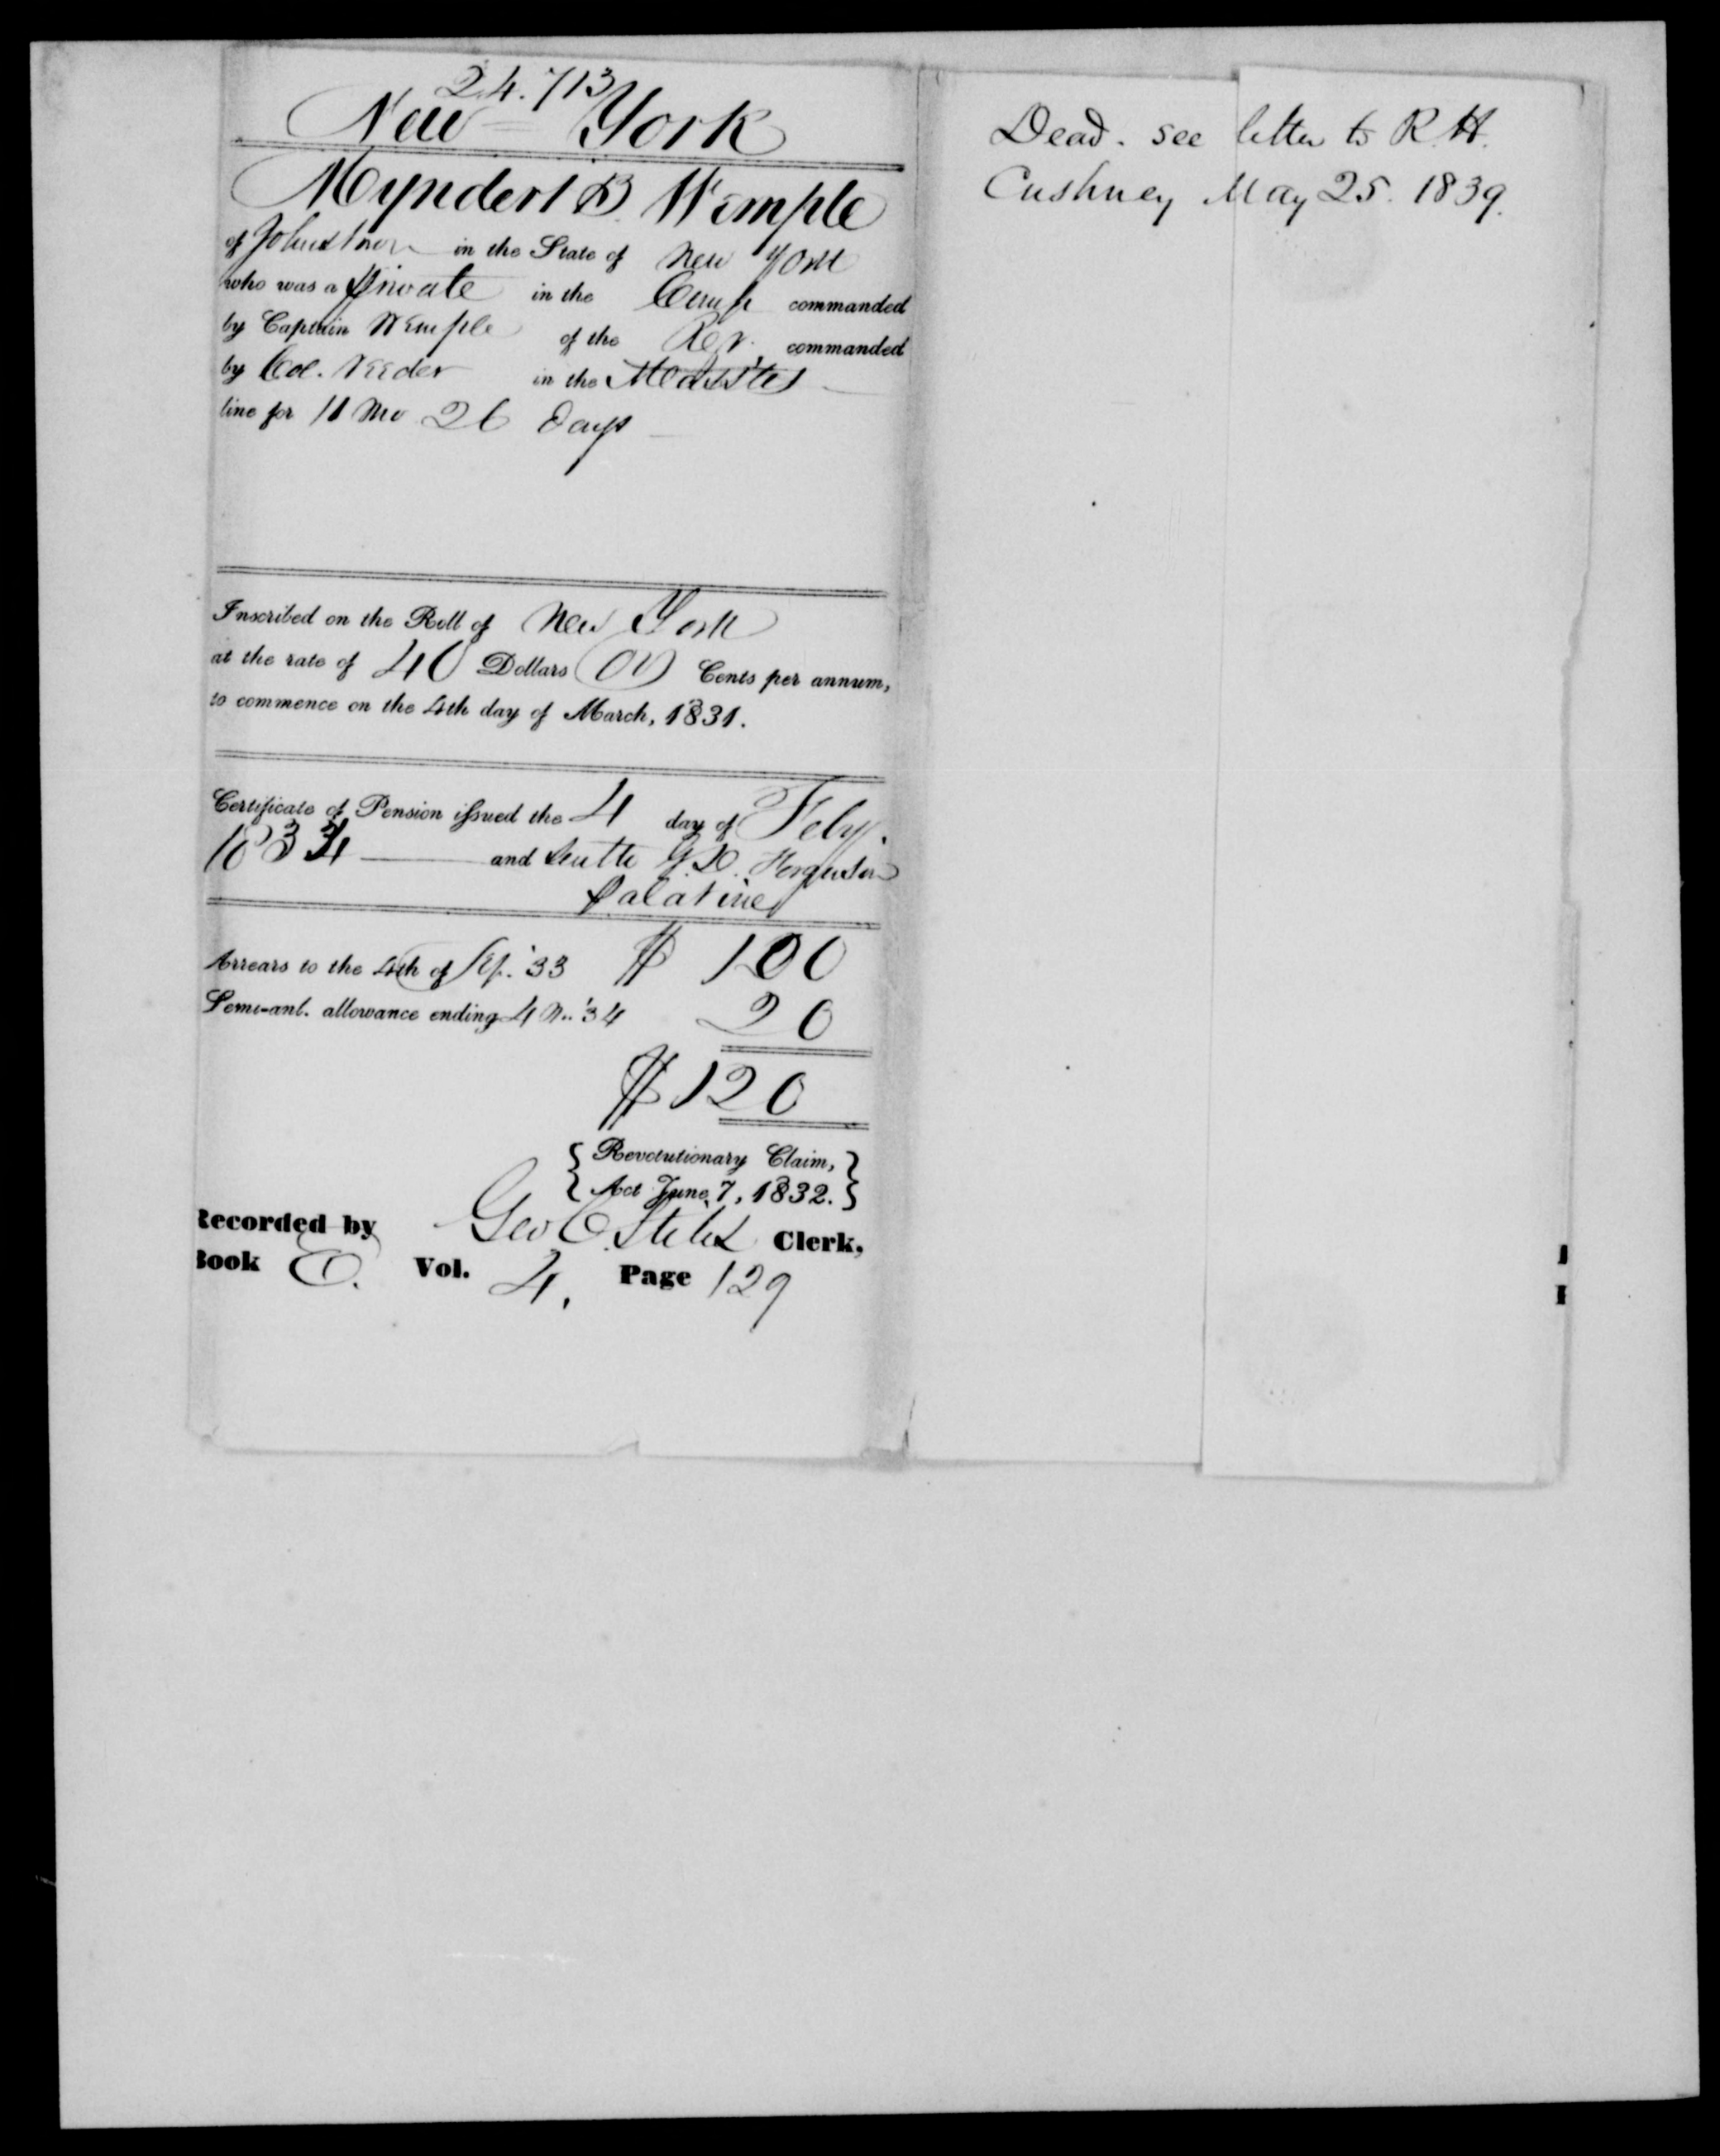24.713
New York
Myndert B Wemple
of Johnstown in the State of New York
who was a private in the Comp commanded
by Captain Wemple of the Rev. commanded
by Col. Veeder in the [illegible]
line for 11 mo 26 days

Inscribed on the Roll of New York
at the rate of 40 Dollars (00) Cents per annum,
to commence on the 4th day of March, 1831.

Certificate of Pension issued the 4 day of Feby.
1834_______ and Seutte  G.D. Ferguson
Palatine

Arrears to the 4th of Sep. '33       $100
Semi-anl. allowance ending 4 Nov '34   20.00
$120


{Revolutionary Claim,}
{Act June 7, 1832.}

Recorded by  Geo C. Stiles  Clerk,
Book E.  Vol. 4.  Page 129

(written on upper right side)
Dead. See letter to R. H.
Cushney May 25. 1839.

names: R H Cushney, Myndert B Wemple, Wemple, G D Ferguson, Needer, Geo C Steles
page: 2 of 51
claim: widow's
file: W. 19604, Myndert B Wemple, New York